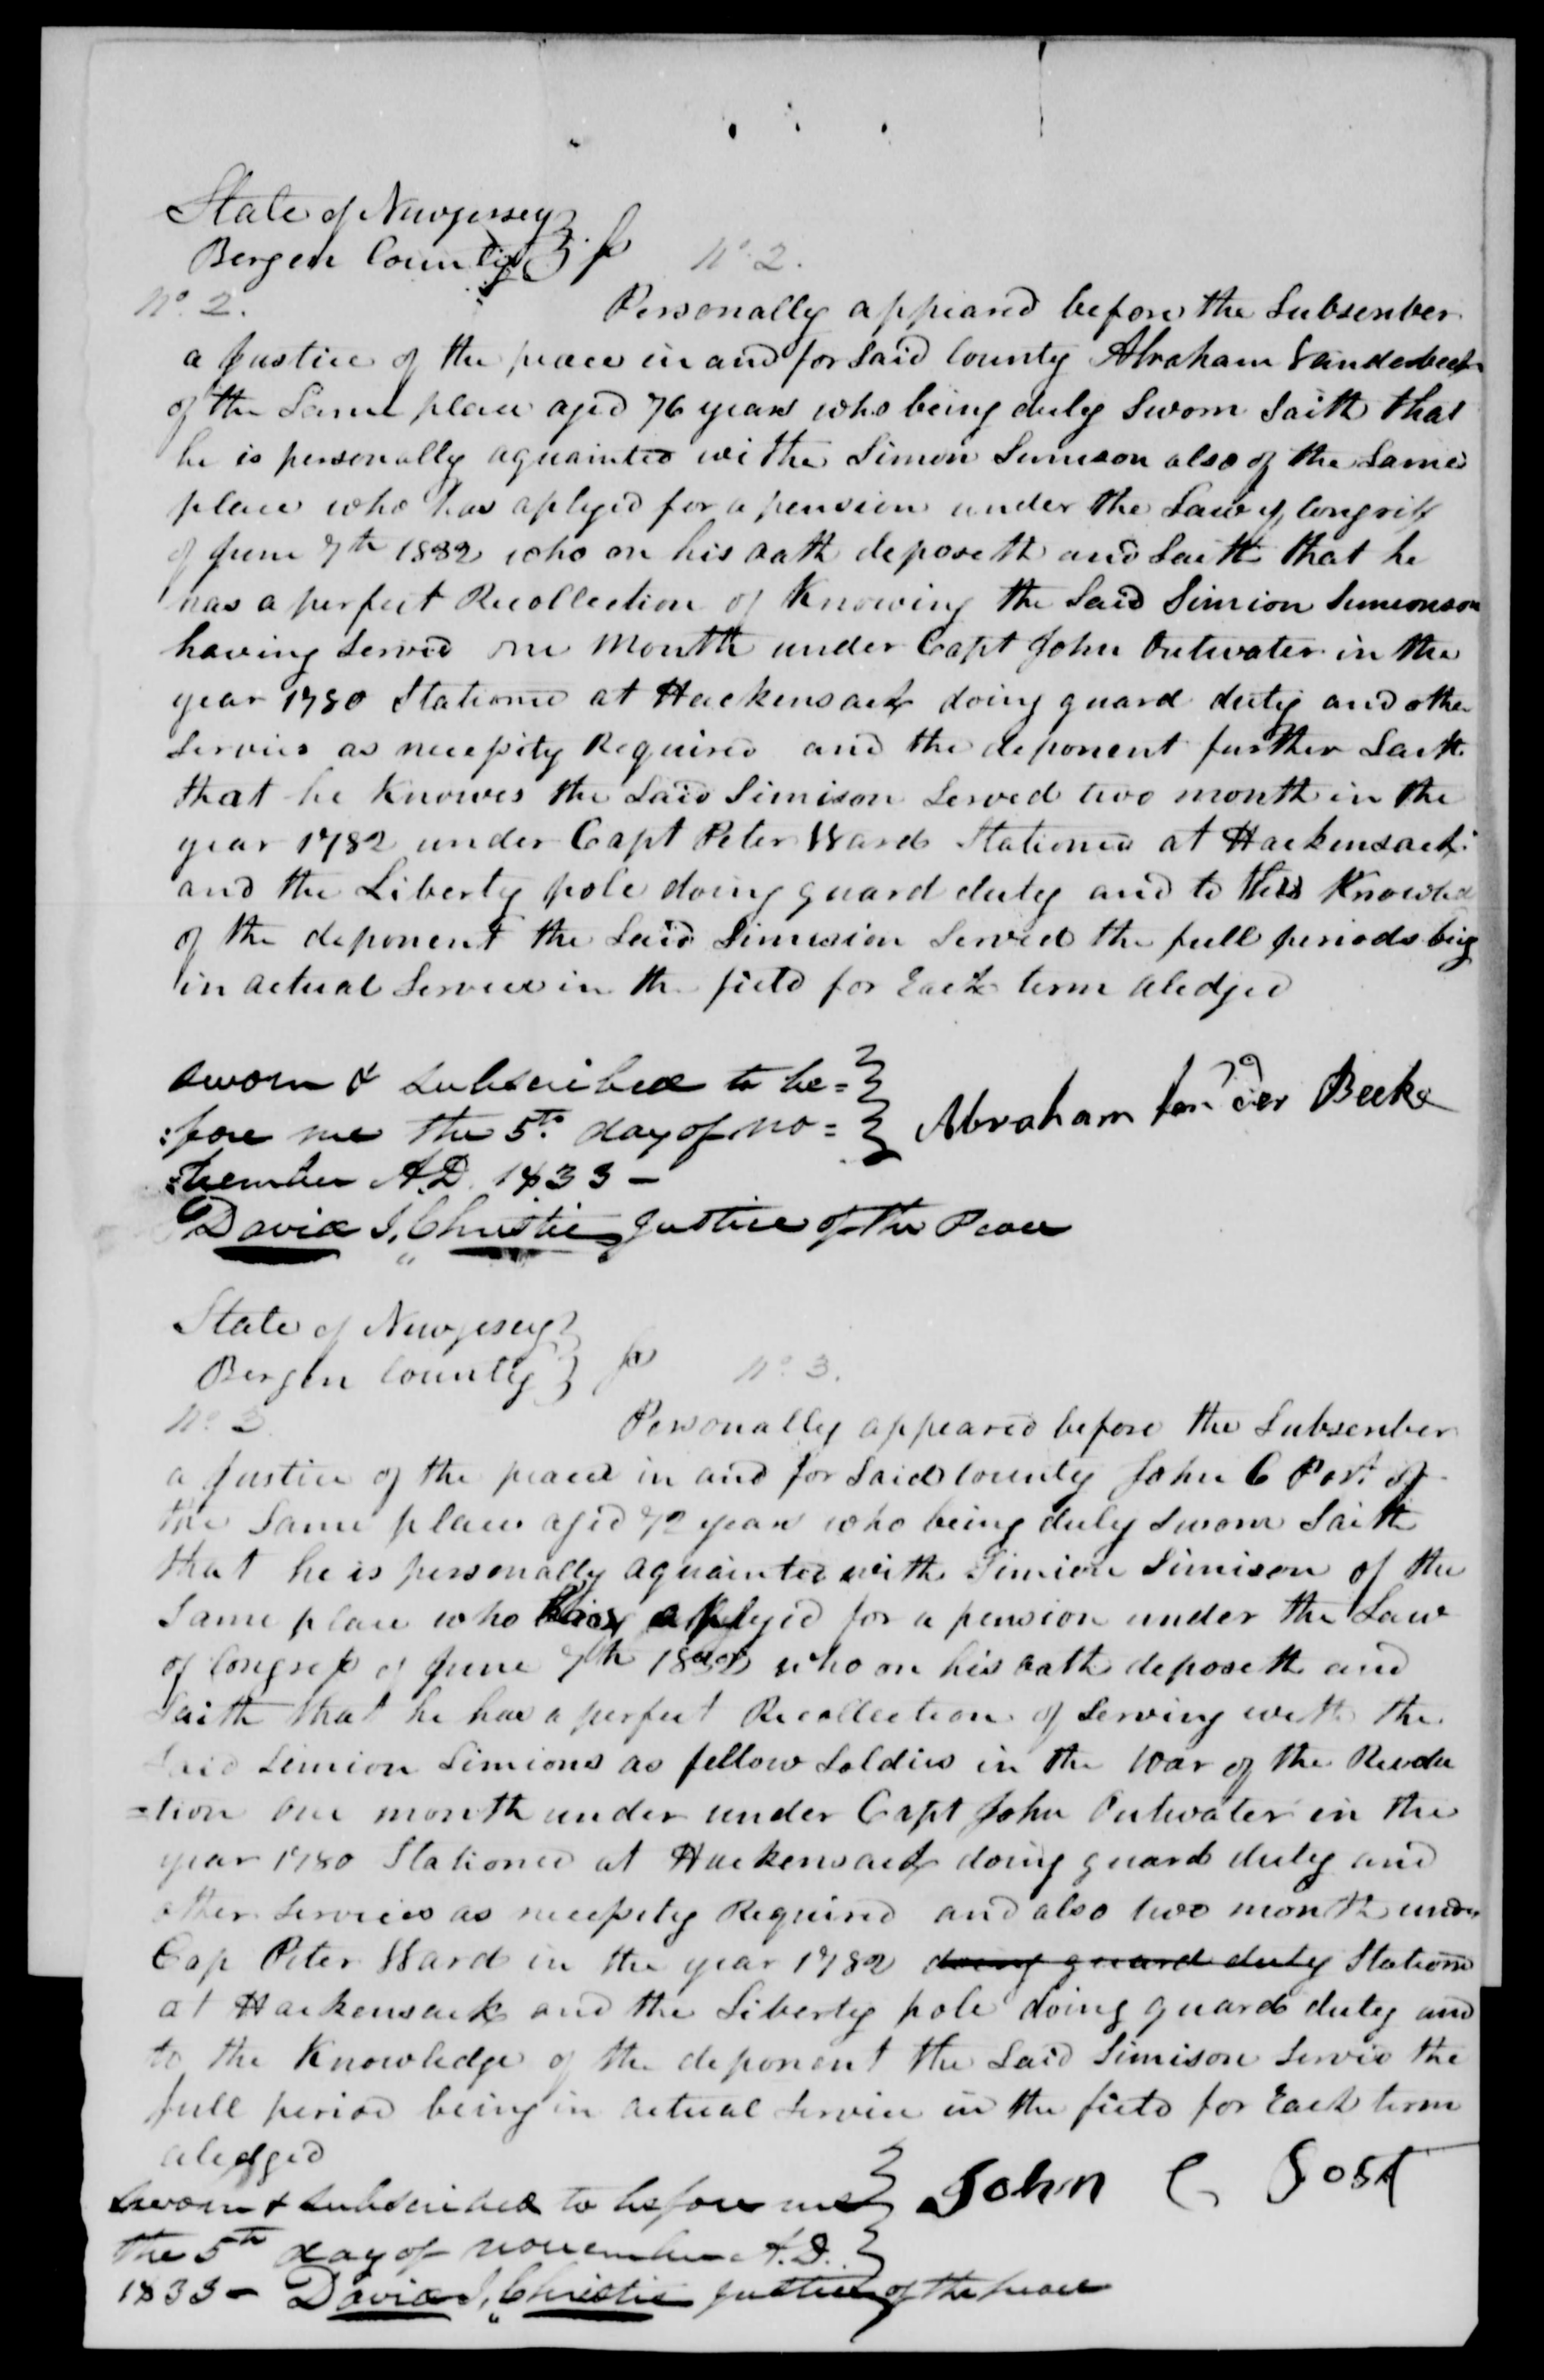State of Newjersey
Bergen County } SS            No 2.      
No. 2
Personally appeared before the Subscriber
a Justice of the peace in and for said County Abraham Vanderbeek of the same place aged 76 years who being duly sworn saith that he is personally a[c]quainted with Simon Simonson also of the same place who has applied for a pension under the Law of Congress of June 7th 1832 who on his oath deposeth and saith that he has a perfect recollection of knowing the said Simion Simonson having served one month under Capt John Outwater in the year 1780 stationed at Hackensack doing guard duty and other service as necessity required and the deponent further saith that he knows the said Simonson served two month in the year 1782 under Capt Peter Ward stationed at Hackensack
and the Liberty pole doing guard duty and to his knowledge  of the deponent the said Simonson Served the full periods being in actual service in the field for each term aledged [alleged].
Abraham Vander Beeke

Sworn & subscribed to before me the 5th day of November A.D. 1833-
David J. Christie Justice of the Peace

State of Newjersey
Bergen County } SS   No. 3
No. 3
Personally appeared before the Subscriber a Justice of the peace in and for said County John C Post of the same place aged 72 years who being duly sworn saith that he is personally a[c]quainted with Simon Simonson of the same
place who has applied for a pension under the Law of Congress of June 7th 1832 who on his oath deposeth and saith that he has a perfect recollection of serving with the said Simon Simonson as fellow soldier in the War of the Revolution one month under under Capt John Outwater in the year 1780 stationed at Hackensack doing guard duty and other services as necessity required and also two months under Cap Peter Ward in the year 1782 ['doing guard duty' crossed out] Stationed at Hackensack and the Liberty pole doing guard duty and to the knowledge of the deponent the said Simonson served the full period being in actual service in the field for each term alleged.
John C. Post

Sworn & subscribed to before me 
the 5th day of November A.D.
1833 - David J. Christie Justice of the peace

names: David J Christie; Peter Ward; Simon Simison; [BLANK] Simision; Abraham Vanderbeck; Simion Simionson; John Outwater; [BLANK] Simison; Peter Ward; [BLANK] Simison; John C Post; Simion Simions; David J Christie; John C Post; Abraham Vanderbeck; Simion Simison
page: 26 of 30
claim: survivor's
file: S. 1104, for Simon Simonson, New Jersey